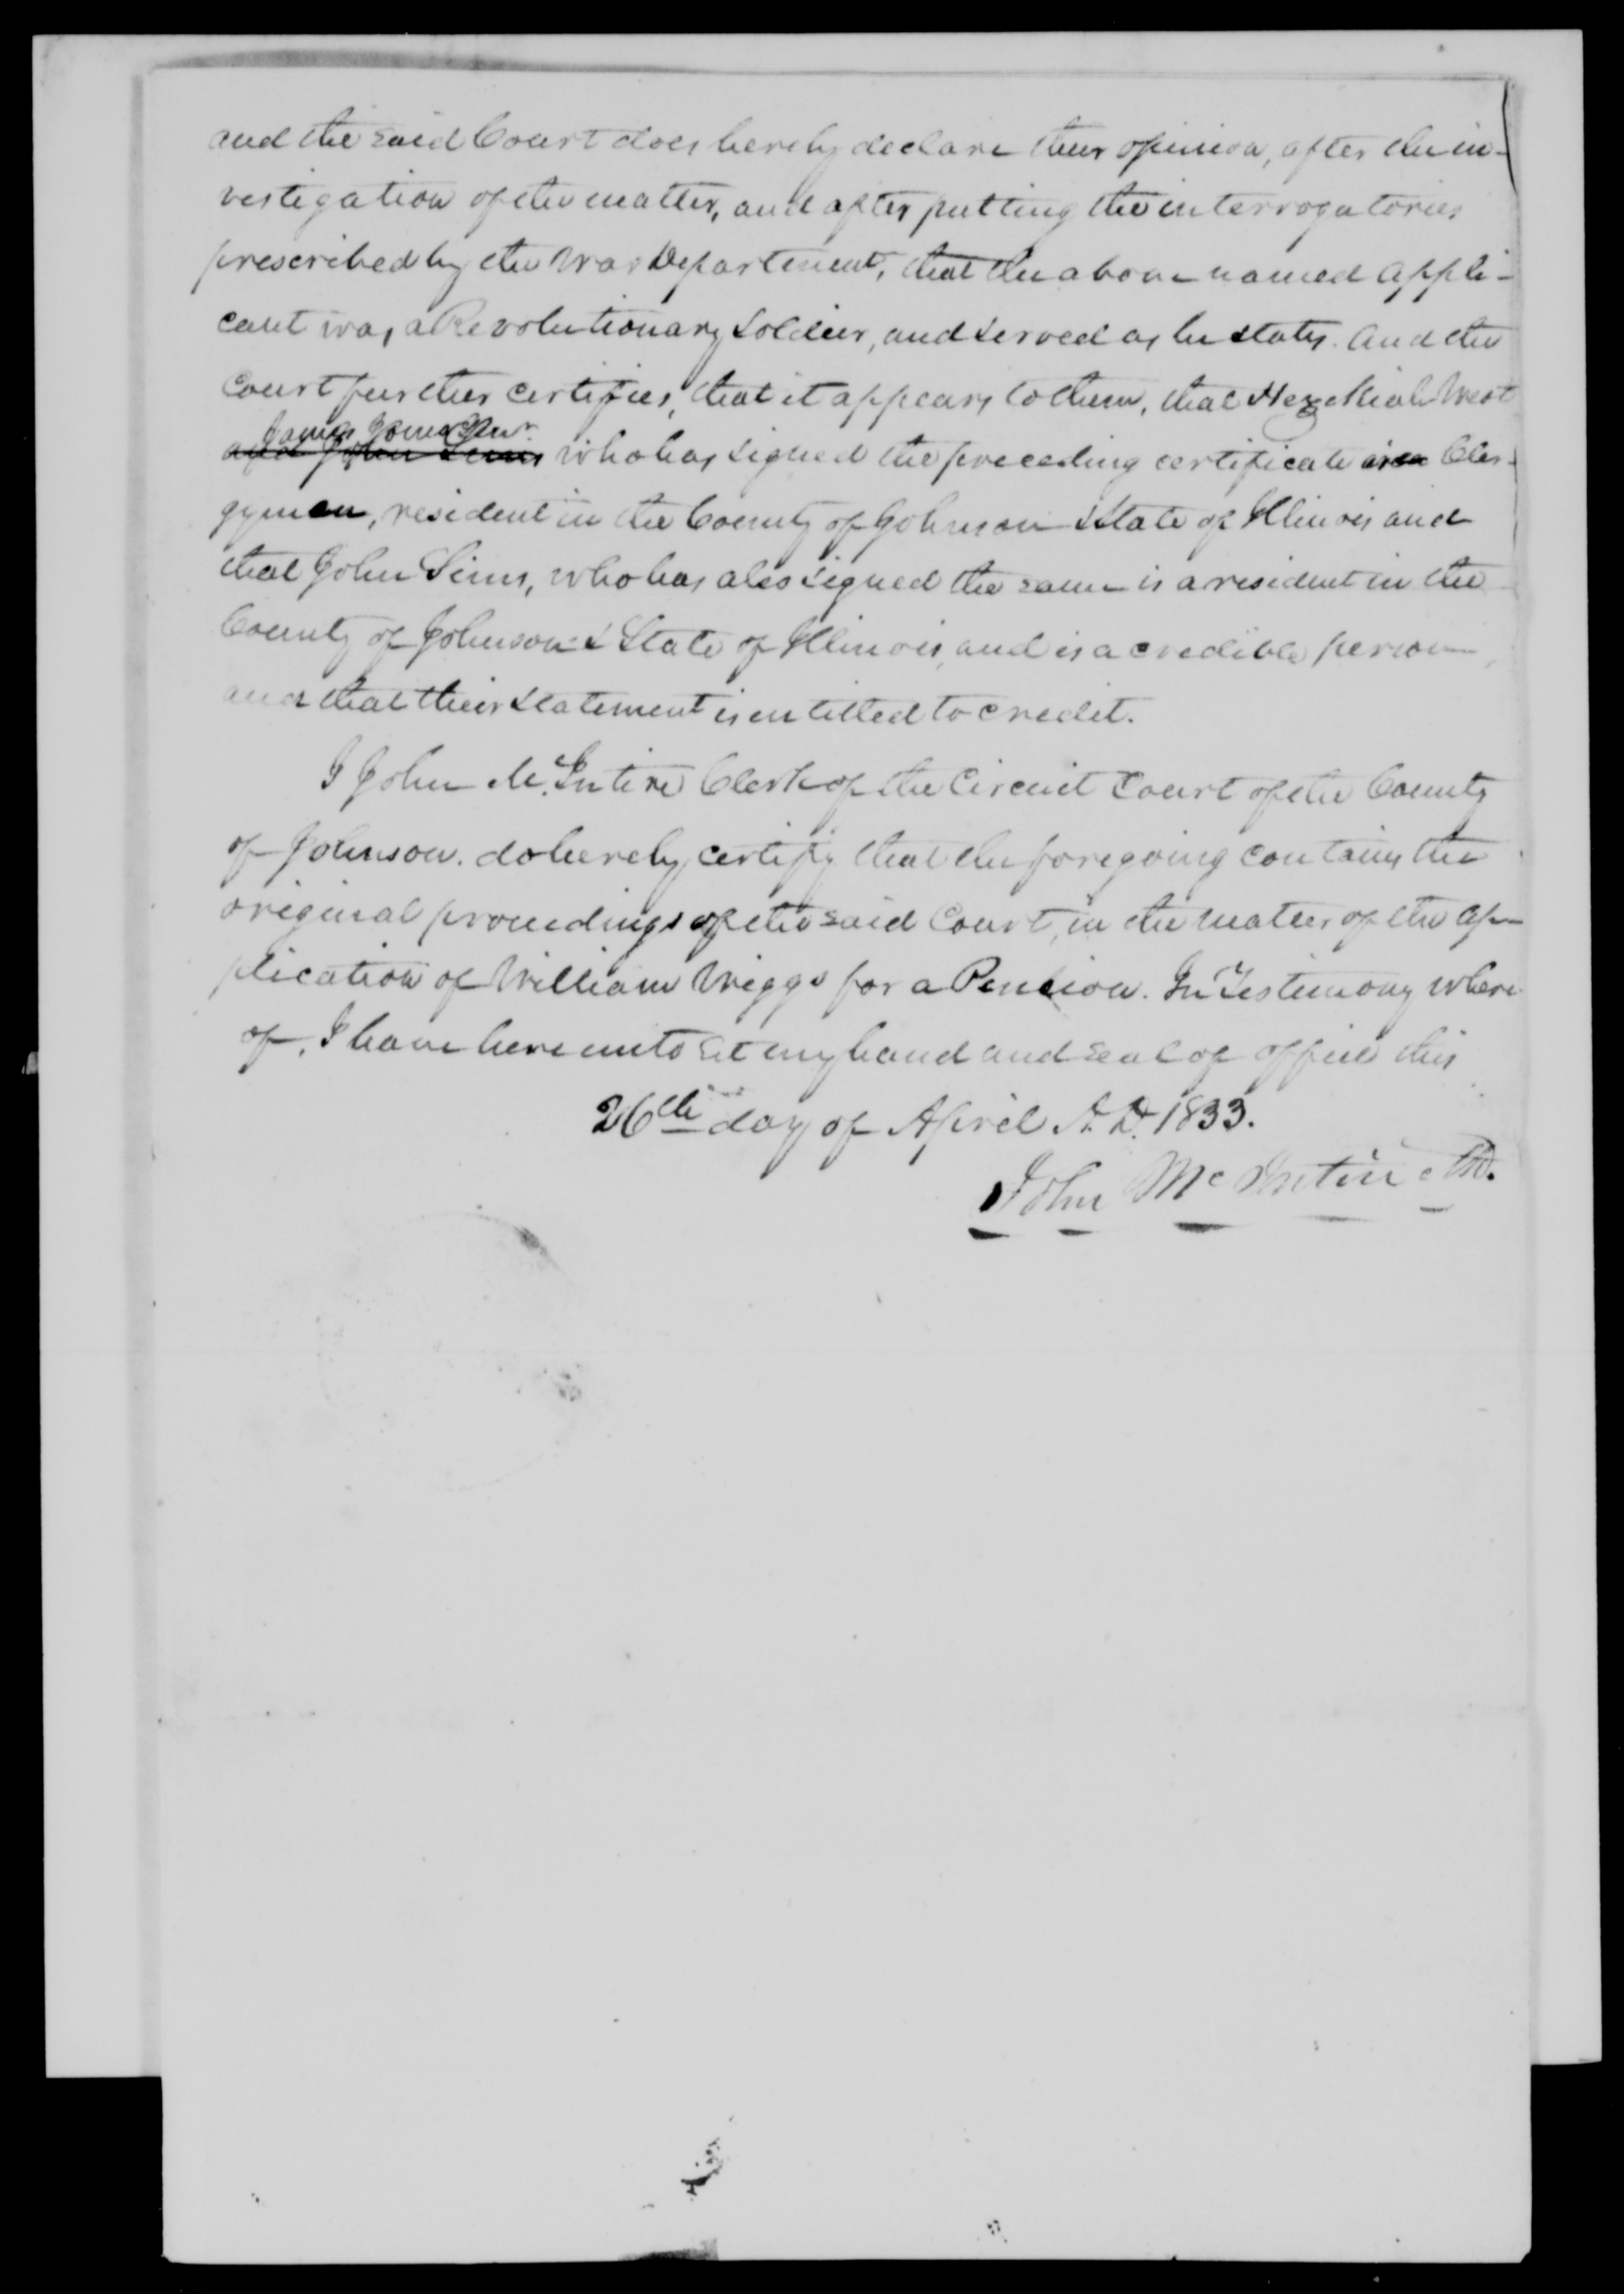and the said Court does hereby declare their opinion, after the investigation of the matter, and after putting the interrogatories prescribed by the war Department, that the above named applicant was a Revolutionary soldier, and served as he states and the Court further certifies, that it appears to them that Hezekiah West James Jones [illegible] who has signed the preceding certificate Clergymen, resident in the County of Johnson State of Illinois and that John Sims, who has also signed the same is a resident in the County of Johnson & State of Illinois and is a credible person and that their statement is entitled to credit.
      I John McIntire Clerk of the Circuit Court of the County of Johnson do hereby certify that the foregoing contains the original proceedings of the said Court, in the matter of the application of William Wiggs for a Pension. In Testimony whereof I have hereunto set my hand and seal of office this
26th day of April A.D. 1833.
                                          John McIntire   Clk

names: John Sims, John Mc Intire, Hezekiah West, William Wiggs, James Jones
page: 10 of 31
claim: survivor's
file: S. 32608, William Wiggs, N.C.